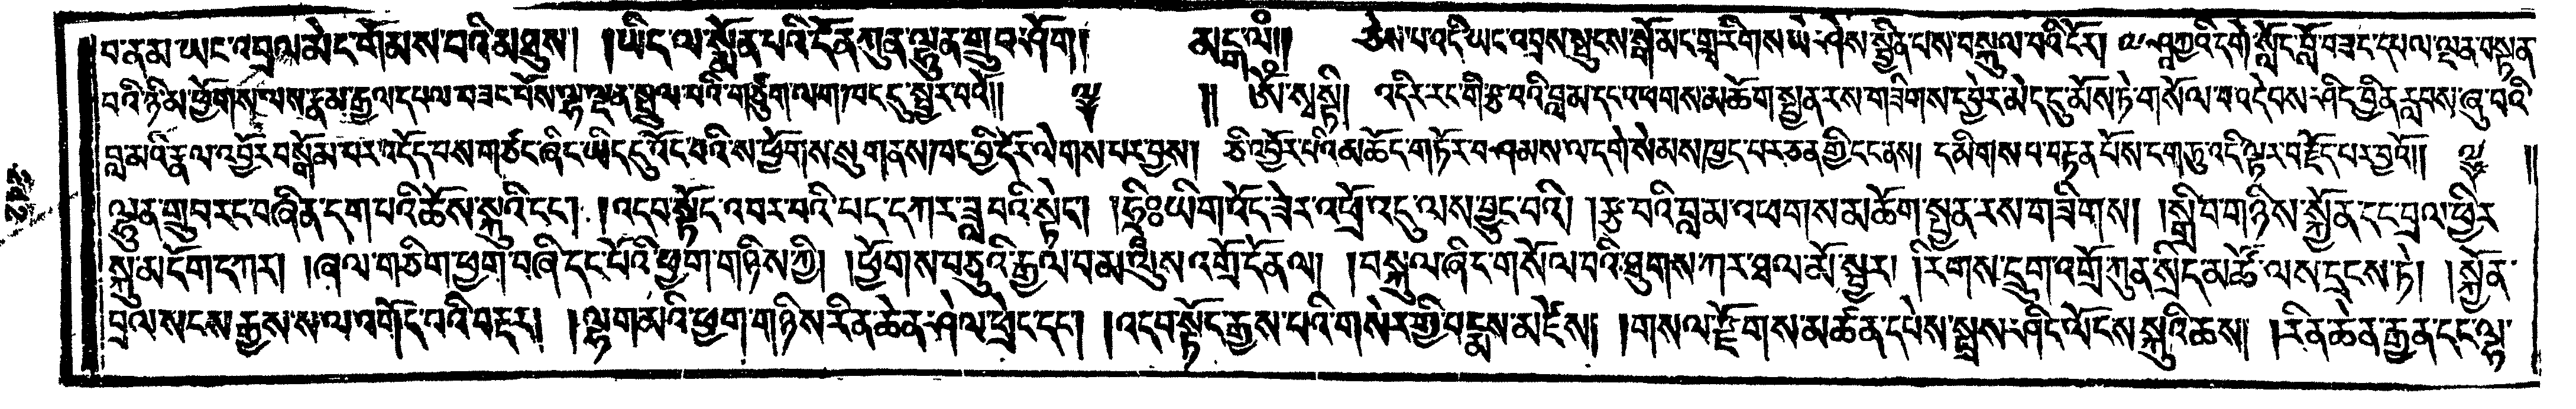བ་ནམ་ཡང་འབྲལ་མེད་གོམས་པའི་མཐུས། །ཡིད་ལ་སྨོན་པའི་དོན་ཀུན་ལྷུན་གྲུབ་ཤོག། མངྒ་ལཾ།། ཅེས་པ་འདི་ཡང་འབྲས་སྤུངས་སྒོ་མང་གྲྭ་རིགས་ཡེ་ཤེས་སྦྱིན་པས་བསྐུལ་བའི་ངོར། ༧་ཤཱཀྱའི་དགེ་སློང་བློ་བཟང་དཔལ་ལྡན་བསྟན་
བའི་ཉི་མ་ཕྱོགས་ལས་རྣམ་རྒྱལ་དཔལ་བཟང་པོས་ལྷ་ལྡན་སྤྲུལ་པའི་གཙུག་ལག་ཁང་དུ་སྦྱར་བའོ།། ༈ །།ཨོཾ་སྭསྟི། འདིར་རང་གི་རྩ་བའི་བླ་མ་དང་འཕགས་མཆོག་སྤྱན་རས་གཟིགས་དབྱེར་མེད་དུ་མོས་ཏེ་གསོལ་བ་འདེབས་ཤིང་བྱིན་རླབས་ཞུ་བའི་
བླ་མའི་རྣལ་འབྱོར་བསྒོམ་པར་འདོད་པས་གཙང་ཞིང་ཡིད་དུ་འོང་བའི་ས་ཕྱོགས་སུ་གནས་ཁང་བྱི་དོར་ལེགས་པར་བྱས། ཅི་འབྱོར་པའི་མཆོད་གཏོར་བཤམས་ལ་དགེ་སེམས་ཁྱད་པར་ཅན་གྱི་ངང་ནས། དམིགས་པ་བརྟན་པོས་ངག་ཏུ་འདི་ལྟར་བརྗོད་པར་བྱའོ།། ༈ །།
ལྷུན་གྲུབ་རང་བཞིན་དག་པའི་ཆོས་སྐུའི་ངང་། །འདབ་སྟོང་འབར་བའི་པད་དཀར་ཟླ་བའི་སྟེང་། །ཧྲཱིཿ ཡིག་འོད་ཟེར་འཕྲོ་འདུ་ལས་བྱུང་བའི། །རྩ་བའི་བླ་མ་འཕགས་མཆོག་སྤྱན་རས་གཟིགས། །སྒྲིབ་གཉིས་སྐྱོན་དང་བྲལ་ཕྱིར་
སྐུ་མདོག་དཀར། །ཞལ་གཅིག་ཕྱག་བཞི་དང་པོའི་ཕྱག་གཉིས་ཀྱི། །ཕྱོགས་བཅུའི་རྒྱལ་བམ་ལུས་འགྲོ་དོན་ལ། །བསྐུལ་ཞིང་གསོལ་བའི་ཐུགས་ཀར་ཐལ་མོ་སྦྱར། །རིགས་དྲུག་འགྲོ་ཀུན་སྲིད་མཚོ་ལས་དྲངས་ཏེ། །སྐྱོན་
བྲལ་སངས་རྒྱས་ས་ལ་འགོད་པའི་བརྡར། །ལྷག་མའི་ཕྱག་གཉིས་རིན་ཆེན་ཤེལ་ཕྲེང་དང་། །འདབ་སྟོང་རྒྱས་པའི་གསེར་གྱི་པདམས་མཛེས། །གསལ་རྫོགས་མཚན་དཔེས་སྤྲས་ཤིང་ལོངས་སྐུའི་ཆས། །རིན་ཆེན་རྒྱན་དང་ལྷ་